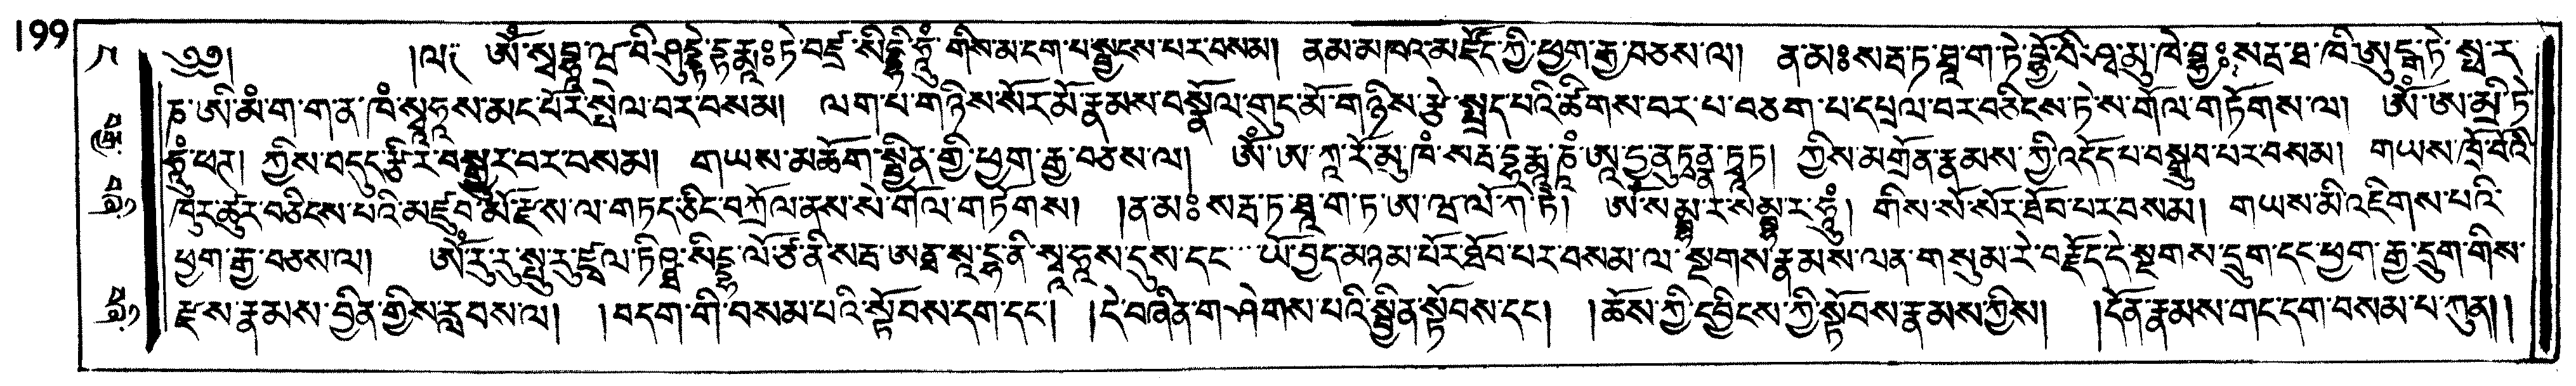༄༅། །ལ༑ ཨོཾ་སྭ་བྷཱ་ཝ་བི་ཤུདྡྟེ་དྟརྨཱཿཏེ་བྫྲ་སིདྡྷི་ཧཱུཾ་གིས་མ་ངག་པ་སྦྱངས་པར་བསམ། ནམ་མཁའ་མཛོད་ཀྱི་ཕྱག་རྒྱ་བཅས་ལ། ན་མཿ སརྦ་ཏ་ཐཱ་ག་ཏེ་བྷྱོ་བི་ཤྭ་མུ་ཁེ་བྷྱཿ སརྦ་ཐ་ཁི་ཨུངྒ་ཏེ་སྥ་ར་
ཎ་ཨི་མཾ་ག་ག་ན་ཁཾ་སྭཱཧཱས་མང་པོར་སྤེལ་བར་བསམ། ལག་པ་གཉིས་སོར་མོ་རྣམས་བསྣོལ་གུང་མོ་གཉིས་རྩེ་སྤྲད་པའི་ཚིགས་བར་པ་བཅག་པ་དཔྲལ་བར་བཅིངས་ཏེ་ས་གོལ་གཏོགས་ལ། ཨོཾ་ཨ་མྲི་ཏེ་
ཧཱུཾ་ཕགས། ཀྱིས་བདུད་རྩིར་ར་བསྒྱུར་བར་བསམ། གཡས་མཆོག་སྦྱིན་གྱི་ཕྱག་རྒྱ་བཅས་ལ། ཨོཾ་ཨ་ཀཱ་རོ་མུ་ཁཾ་སརྦ་དྷརྨཱ་ཎཱཾ་ཨཱ་དྱ་ནུ་ཏྭནྣ་ཏྭཱཏ། ཀྱིས་མགྲོན་རྣམས་ཀྱི་འདོད་པ་བསྒྲུབ་པར་བསམ། གཡས་ཁྲོ་བོའི་
ཁུར་ཚུར་བཅིངས་པའི་མཛུབ་མོ་རྫས་ལ་གཏད་ཅིང་བཀྲོལ་ནས་སེ་གོལ་གཏོགས། །ན་མཿ སརྦ་ཏ་ཐཱ་ག་ཏ་ཨ་ཝ་ལོ་ཀེ་ཏེ། ཨོཾ་སམྦྷ་ར་སམྦྷ་ར་ཧཱུཾ། གིས་སོ་སོར་ཐོབ་པར་བསམ། གཡས་མི་འཇིགས་པའི་
ཕྱག་རྒྱ་བཅས་ལ། ཨོཾ་རུ་རུ་སྤུ་རུ་ཛྭལ་ཏིཥྠ་སིངྡྷ་ལོ་ཙ་ནི་སརྦ་ཨརྠ་སཱ་དྷ་ནི་སྭཱ་ཧཱས་དུས་དང་ཡོ་བྱད་མཉམ་པོར་ཐོབ་པར་བསམ་ལ་སྔགས་རྣམས་ལན་གསུམ་རེ་བརྗོད་དེ་སྔགས་དྲུག་དང་ཕྱག་རྒྱ་དྲུག་གིས་
རྫས་རྣམས་བྱིན་གྱིས་རླབས་ལ། །བདག་གི་བསམ་པའི་སྟོབས་དག་དང་། །དེ་བཞིན་གཤེགས་པའི་སྦྱིན་སྟོབས་དང་། །ཆོས་ཀྱི་དབྱིངས་ཀྱི་སྟོབས་རྣམས་ཀྱིས། །དོན་རྣམས་གང་དག་བསམ་པ་ཀུན། །